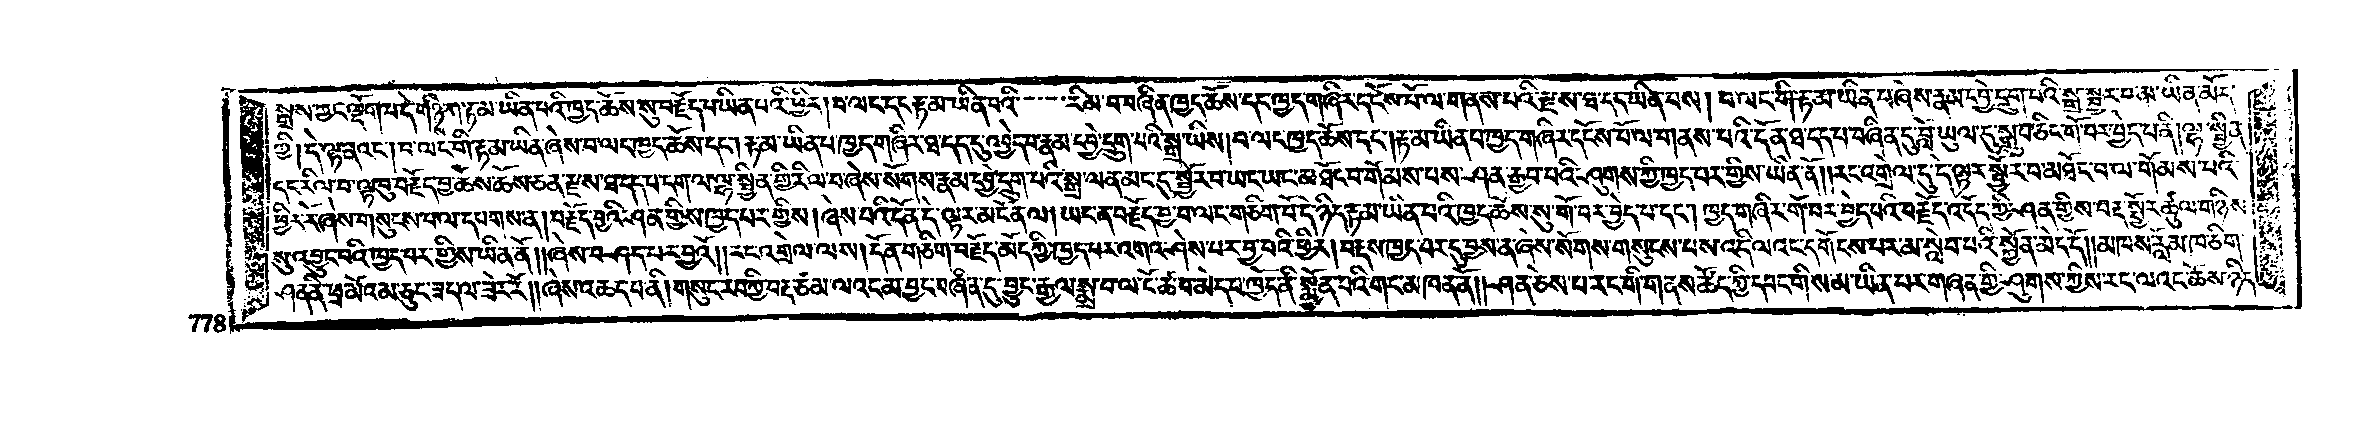སྒྲས་ཀྱང་ལྡོག་པ་དེ་གཉིས་ཀ་རྟ་མ་ཡིན་པའི་ཁྱད་ཆོས་སུ་བརྗོད་པ་ཡིན་པའི་ཕྱིར། བ་ལང་དང་རྟ་མ་ཡིན་པའི་རིམ་པ་བཞིན་ཁྱད་ཆོས་དང་ཁྱད་གཞིར་དངོས་པོ་ལ་གནས་པའི་རྫས་ཐ་དད་ཡིན་པས། བ་ལང་གི་རྟ་མ་ཡིན་པ་ཞེས་རྣམ་དབྱེ་དྲུག་པའི་སྒྲ་སྦྱར་བ་མ་ཡིན་མོད་
ཀྱི། དེ་ལྟ་ནའང་། བ་ལང་གི་རྟ་མ་ཡིན་ཞེས་བ་ལང་ཁྱད་ཆོས་དང་། རྟ་མ་ཡིན་པ་ཁྱད་གཞིར་ཐ་དད་དུ་འབྱེད་པ་རྣམ་དབྱེ་དྲུག་པའི་སྒྲ་ཡིས། བ་ལང་ཁྱད་ཆོས་དང་། རྟ་མ་ཡིན་པ་ཁྱད་གཞིར་དངོས་པོ་ལ་གནས་པའི་དོན་ཐ་དད་པ་བཞིན་དུ་བློ་ཡུལ་དུ་སྒྲུབ་ཅིང་གོ་བར་བྱེད་པ་ནི། ལྷ་སྦྱིན་
དང་རིལ་བ་ལྟ་བུ་བརྗོད་བྱ་ཆོས་ཆོས་ཅན་རྫས་ཐ་དད་པ་དག་ལ་ལྷ་སྦྱིན་གྱི་རིལ་བ་ཞེས་སོགས་རྣམ་དབྱེ་དྲུག་པའི་སྒྲ་ལན་མང་དུ་སྦྱོར་བ་ཡང་ཡང་མཐོང་བ་གོམས་པས་ཤན་རྒྱབ་པའི་ཤུགས་ཀྱི་ཁྱད་པར་གྱིས་ཡིན་ནོ། །རང་འགྲེལ་དུ་དེ་ལྟར་སྦྱོར་བ་མཐོང་བ་ལ་གོམས་པའི་
ཕྱིར་རོ་ཞེས་གསུངས་པ་ལ་དཔགས་ན། བརྗོད་བྱའི་ཤན་གྱིས་ཁྱད་པར་གྱིས། ཞེས་པའི་དོན་དེ་ལྟར་མངོན་ལ། ཡང་ན་བརྗོད་བྱ་བ་ལང་གཅིག་པོ་དེ་ཉིད་རྟ་མ་ཡིན་པའི་ཁྱད་ཆོས་སུ་གོ་བར་བྱེད་པ་དང་། ཁྱད་གཞིར་གོ་བར་བྱེད་པའི་བརྗོད་འདོད་ཀྱི་ཤན་གྱིས་བརྡ་སྦྱོར་ཚུལ་གཉིས་
སུ་འབྱུང་བའི་ཁྱད་པར་གྱིས་ཡིན་ནོ། །ཞེས་བཤད་པར་བྱའོ། །རང་འགྲེལ་ལས། དོན་གཅིག་བརྗོད་མོད་ཀྱི་ཁྱད་པར་འགའ་ཤེས་པར་བྱ་བའི་ཕྱིར། བརྡས་ཁྱད་པར་དུ་བྱས་ན་ཞེས་སོགས་གསུངས་པས་འདི་ལའང་དགོངས་པར་མ་སླེབ་པའི་སྐྱོན་མེད་དོ། །མཁས་རློམ་ཁ་ཅིག་
ཤན་ནི་ཕྲ་མོའམ་ཅུང་ཟད་ལ་ཟེར་རོ། །ཞེས་འཆད་པ་ནི། གསུང་རབ་ཀྱི་བརྡ་ཙམ་ལའང་མ་བྱང་བཞིན་དུ་བྱུང་རྒྱལ་སྨྲ་བ་ལ་ངོ་ཚ་བ་མེད་པ་ཁྱོད་ནི་སྨྱོན་པའི་གང་མཁན་ནོ། །ཤན་ཅེས་པ་རང་གི་གནས་ཚོད་ཀྱི་དབང་གིས་མ་ཡིན་པར་གཞན་གྱི་ཤུགས་ཀྱིས་རང་ལའང་ཆོས་ཉིད་